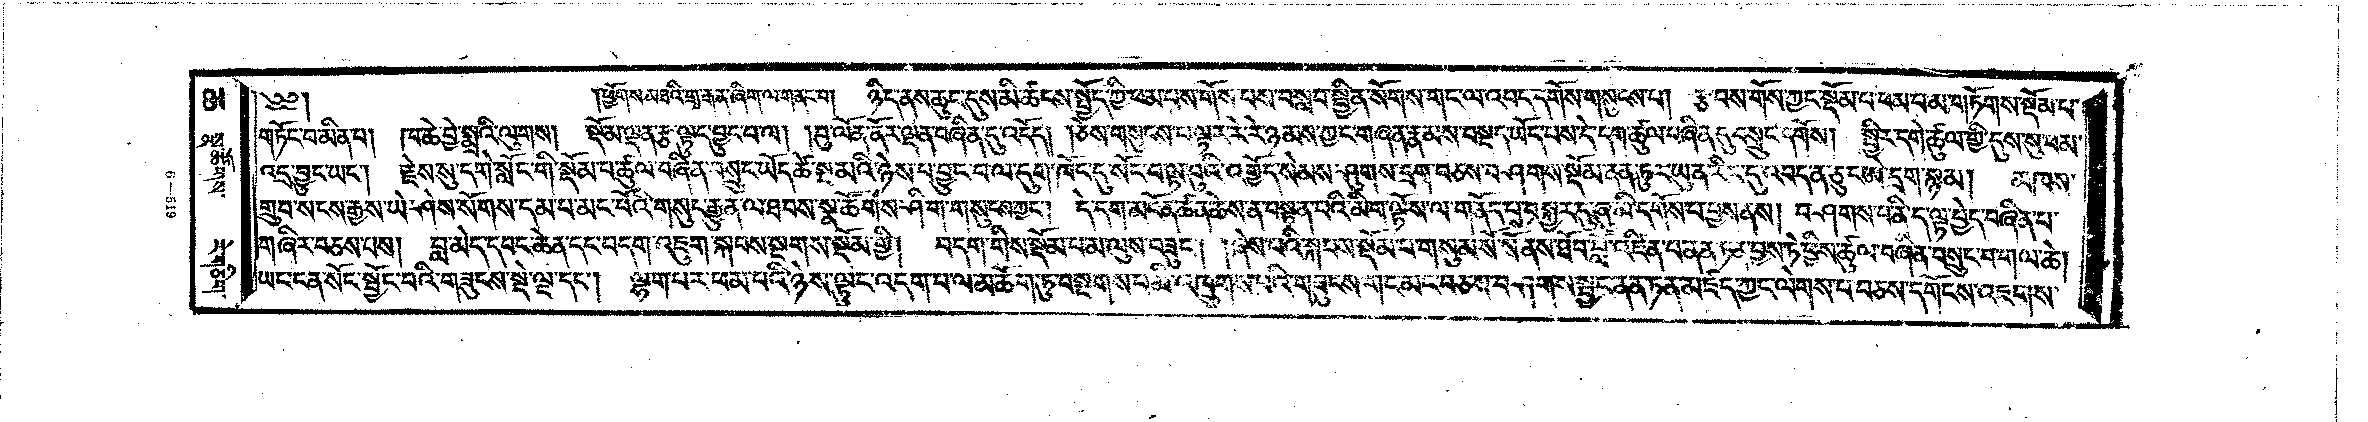༄༅། །ཕྱོགས་མཐའི་གྲྭ་རྒན་ཞིག་ལ་གནང་བ།  ཉིད་ནས་ཆུང་དུས་མི་ཚངས་སྤྱོད་ཀྱི་ཕམ་པས་གོས་པས་བསླབ་སྦྱིན་སོགས་གང་ལ་འབད་དགོས་གསུངས་པ། རྩ་བས་གོས་ཀྱང་སྡོམ་པ་ཕམ་བ་མ་གཏོགས་སྡོམ་པ་
གཏོང་བ་མིན་པ། ཁ་ཆེ་བྱེ་སྨྲའི་ལུགས། སྡོམ་ལྡན་རྩ་ལྟུང་བྱུང་བ་ལ། །བུ་ལོན་ནོར་ལྡན་བཞིན་དུ་འདོད། །ཅེས་གསུངས་པ་ལྟར་རེ་རེ་ཉམས་ཀྱང་གཞན་རྣམས་བསྡད་ཡོད་པས་དེ་དག་ཚུལ་བཞིན་དུ་བསྲུང་དགོས། སྤྱིར་དགེ་ཚུལ་གྱི་དུས་སུ་ཕམ་
འདྲ་བྱུང་ཡང་། རྗེས་སུ་དགེ་སློང་གི་སྡོམ་པ་ཚུལ་བཞིན་བསྲུང་ཡོད་ཚེ་སྔ་མའི་ཉེས་པ་བྱུང་བ་ལ་དུག་ཁོང་དུ་སོང་བ་ལྟ་བུའི་འགྱོད་སེམས་ཤུགས་དྲག་བཅས་བཤགས་སྡོམ་ནན་ཏུར་ཡུན་རིང་དུ་འབད་ན་ཅུང་ཨེ་དྲག་སྙམ། མཁས་
གྲུབ་སངས་རྒྱས་ཡེ་ཤེས་སོགས་དམ་པ་མང་པོའི་གསུང་རྒྱུན་ལ་ཐབས་སྣ་ཚོགས་ཤིག་གསུངས་ཀྱང་། དེ་དག་མངོན་ཚན་ཆེས་ན་བསྟན་པའི་མིག་ལྟོས་ལ་གནོད་བས་བསྐྱར་དུ་ཞི་མི་དོགས་པ་བྱས་ནས། བཤགས་པ་ནི་ད་ལྟ་བྱེད་བཞིན་པ་
གཞིར་བཅས་པས། བླ་མེད་དབང་ཆེན་དང་བདག་འཇུག་སྐབས་སྔགས་སྡོམ་གྱི། བདག་གིས་སྡོམ་པ་མ་ལུས་བཟུང་། །ཞེས་པའི་སྐབས་སྡོམ་པ་གསུམ་སོ་སོ་ནས་ཐོབ་བློ་འཛིན་པ་ནན་ཏན་བྱས་ཏེ་ཕྱིས་ཚུལ་བཞིན་བསྲུང་བ་གལ་ཆེ།
ཡང་ངན་སོང་སྦྱོང་བའི་གཟུངས་སྡེ་ལྔ་དང་། ལྷག་པར་ཕམ་པའི་ཉེས་ལྟུང་འདག་པ་ལ་མཆོག་ཏུ་བསྔགས་པ་མི་འཁྲུལ་པའི་གཟུངས་གང་མང་བཅས་བཤགས་སྦྱང་ནན་ཏན་མཛད་ཀྱང་ལེགས་པ་བཅས་དགོངས་འཇགས་